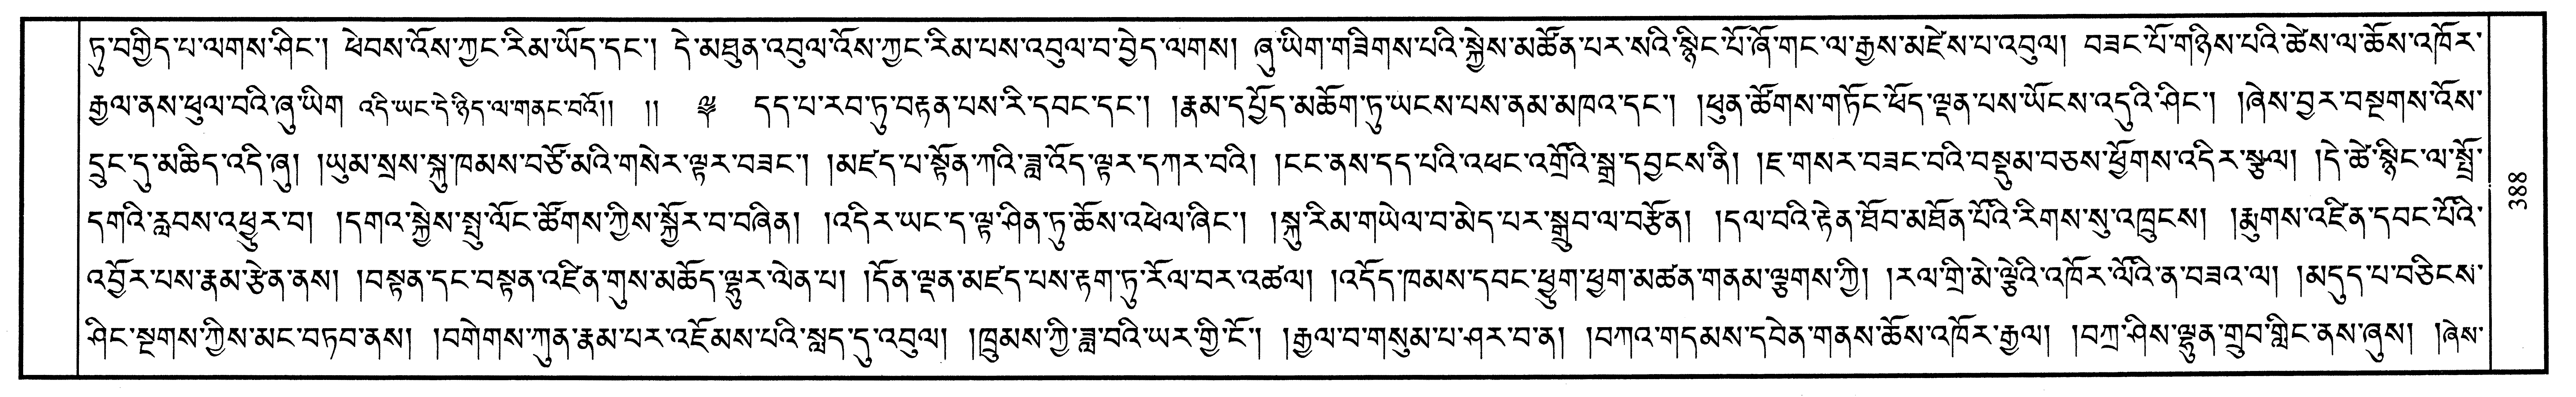ཏུ་བགྱིད་པ་ལགས་ཤིང་། ཕེབས་འོས་ཀྱང་རིམ་ཡོད་དང་། དེ་མཐུན་འབུལ་འོས་ཀྱང་རིམ་པས་འབུལ་བ་བྱེད་ལགས། ཞུ་ཡིག་གཟིགས་པའི་སྐྱེས་མཚོན་པར་སའི་སྙིང་པོ་ཞོ་གང་ལ་རྒྱས་མཛེས་པ་འབུལ། བཟང་པོ་གཉིས་པའི་ཚེས་ལ་ཆོས་འཁོར་
རྒྱལ་ནས་ཕུལ་བའི་ཞུ་ཡིག་འདི་ཡང་དེ་ཉིད་ལ་གནང་བའོ།། །། ༈ དད་པ་རབ་ཏུ་བརྟན་པས་རི་དབང་དང་། །རྣམ་དཔྱོད་མཆོག་ཏུ་ཡངས་པས་ནམ་མཁའ་དང་། །ཕུན་ཚོགས་གཏོང་ཕོད་ལྡན་པས་ཡོངས་འདུའི་ཤིང་། །ཞེས་བྱར་བསྔགས་འོས་
དྲུང་དུ་མཆིད་འདི་ཞུ། །ཡུམ་སྲས་སྐུ་ཁམས་བཙོ་མའི་གསེར་ལྟར་བཟང་། །མཛད་པ་སྟོན་ཀའི་ཟླ་འོད་ལྟར་དཀར་བའི། །ངང་ནས་དད་པའི་འཕང་འགྲོའི་སྒྲ་དབྱངས་ནི། །ཇ་གསར་བཟང་བའི་བསྡུམ་བཅས་ཕྱོགས་འདིར་སྩལ། །དེ་ཚེ་སྙིང་ལ་སྤྲོ་
དགའི་རླབས་འཕྱུར་བ། །དགའ་སྐྱེས་སྤུ་ལོང་ཚོགས་ཀྱིས་སྐྱོར་བ་བཞིན། །འདིར་ཡང་ད་ལྟ་ཤིན་ཏུ་ཆོས་འཕེལ་ཞིང་། །སྐུ་རིམ་པོའི་རིགས་སུ་འཁྲུངས། །རྨུགས་འཛིན་དབང་པོའི་འབྱོར་པས་རྣམ་པོའི་རིགས་སུ་འཁྲུངས། །རྨུགས་འཛིན་དབང་པོའི་
འབྱོར་པས་རྣམ་རྩེན་ནས། །བསྟན་དང་བསྟན་འཛིན་གུས་མཆོད་ལྷུར་ལེན་པ། །དོན་ལྡན་མཛད་པས་རྟག་ཏུ་རོལ་བར་འཚལ། །འདོད་ཁམས་དབང་ཕྱུག་ཕྱག་མཚན་གནམ་ལྕགས་ཀྱི། །རལ་གྲི་མེ་ལྕེའི་འཁོར་ལོའི་ན་བཟའ་ལ། །མདུད་པ་བཅིངས་
ཤིང་སྔགས་ཀྱིས་མང་བཏབ་ནས། །བགེགས་ཀུན་རྣམ་པར་འཇོམས་པའི་སླད་དུ་འབུལ། །ཁྲུམས་ཀྱི་ཟླ་བའི་ཡར་གྱི་ངོ། །རྒྱལ་བ་གསུམ་པ་ཤར་བ་ན། །བཀའ་གདམས་དབེན་གནས་ཆོས་འཁོར་རྒྱལ། །བཀྲ་ཤིས་ལྷུན་གྲུབ་གླིང་ནས་ཞུས། །ཞེས་